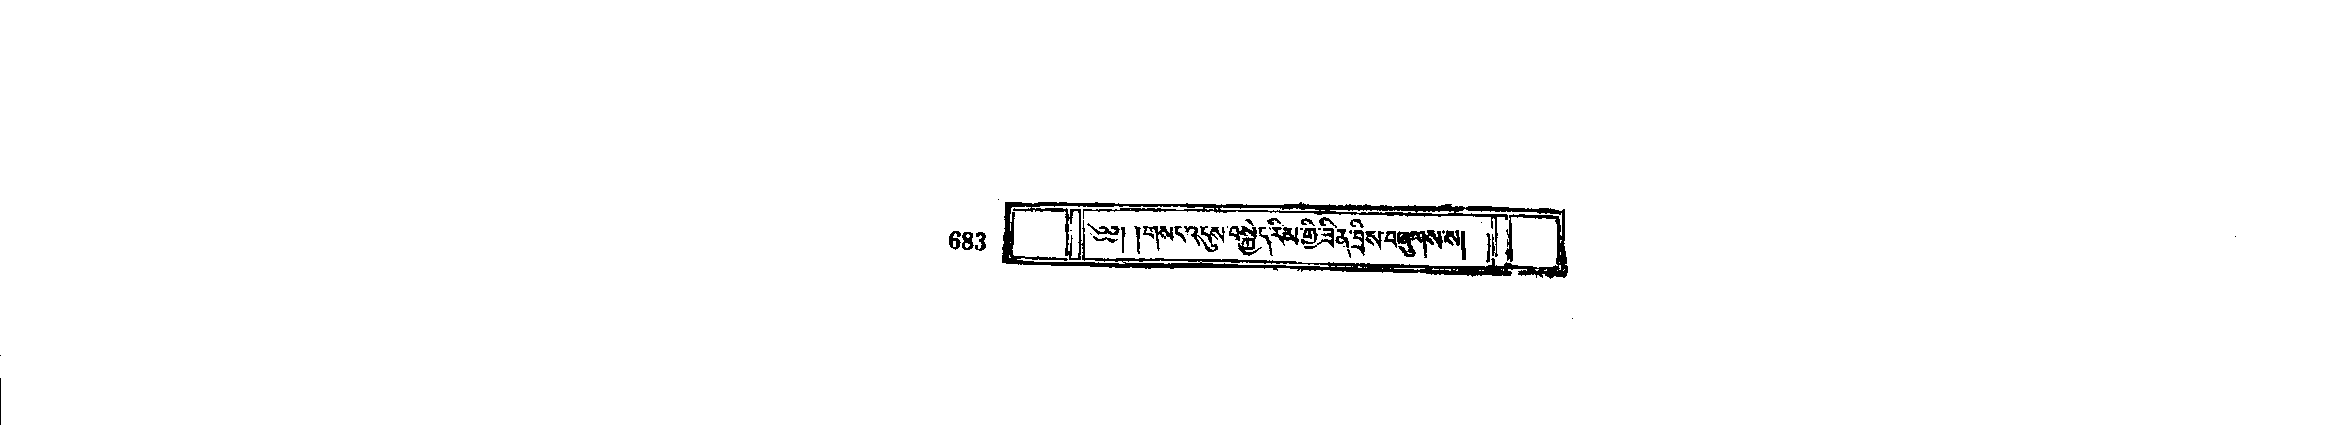༄༅། །གསང་འདུས་བསྐྱེད་རིམ་གྱི་ཟིན་བྲིས་བཞུགས་སོ། །